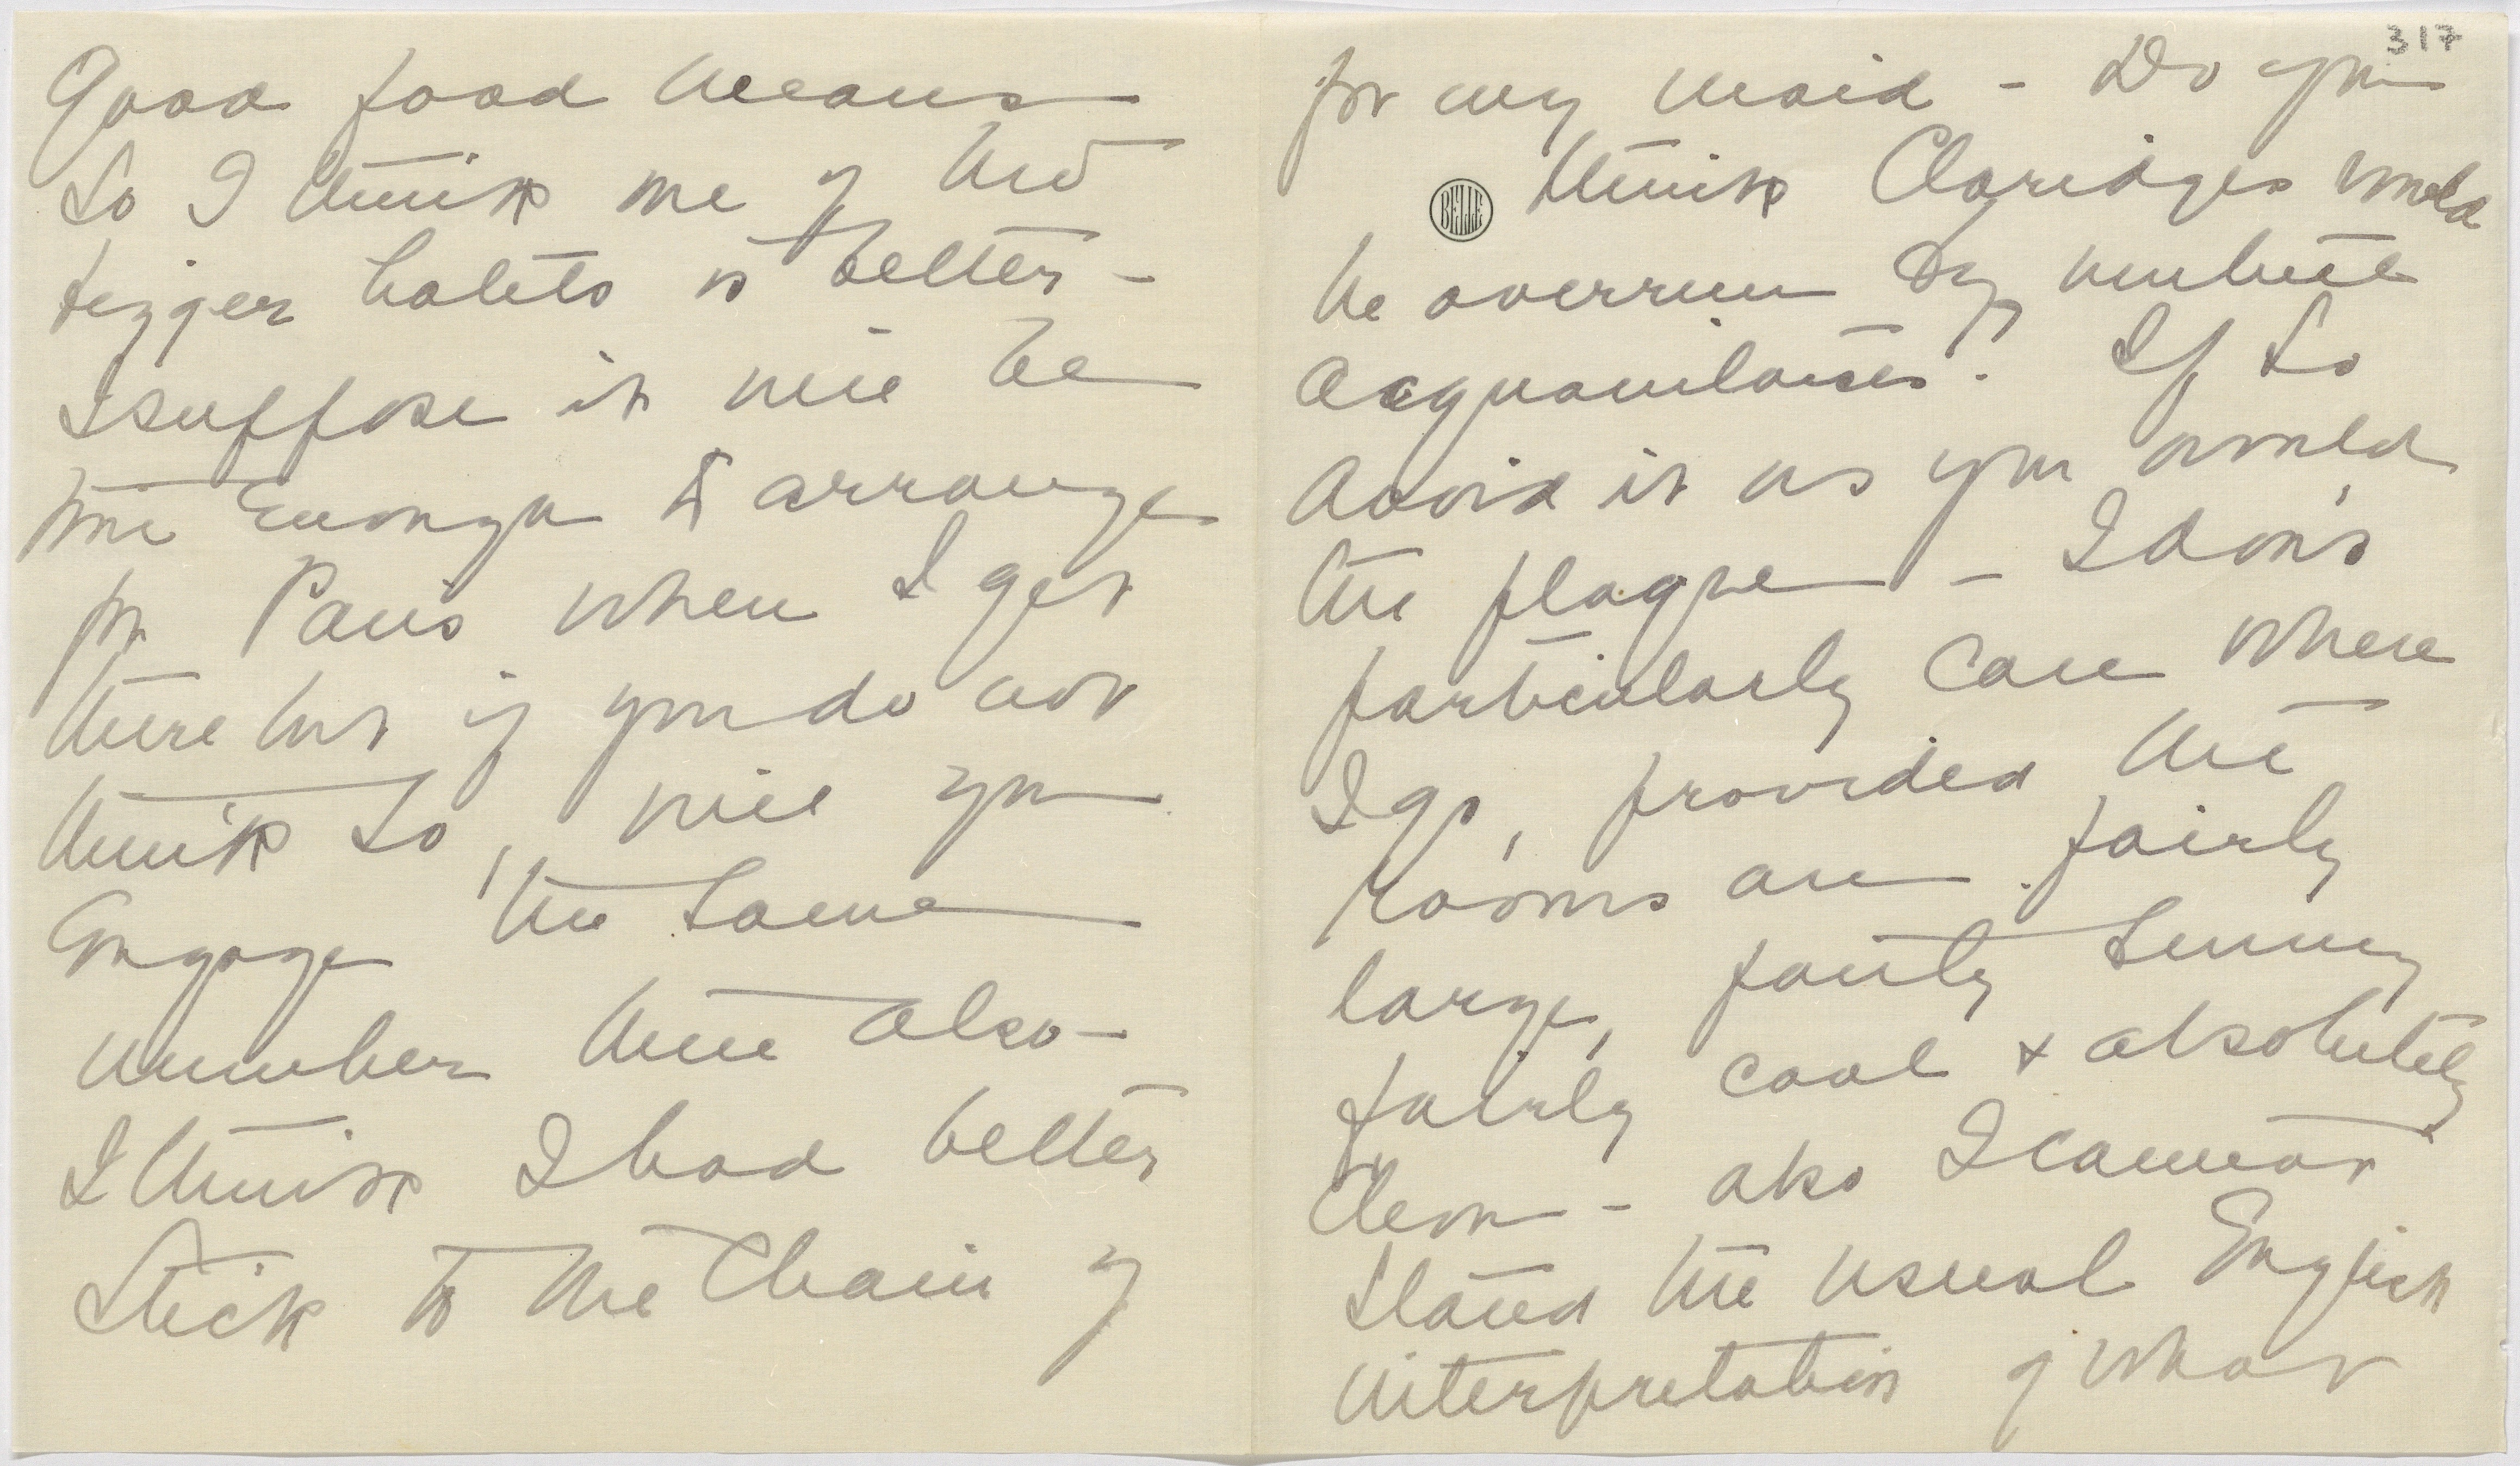for my maid – Do you think Claridges would be overrun by mutual acquaintances? If so avoid it as you would the plague – I don’t particularly care where I go, provided the rooms are fairly large, fairly sunny fairly cool & absolutely clean – also I cannot stand the usual English interpretation of what
good food means so I think one of the bigger hotels is better – I suppose it will be time enough to arrange for Paris when I get there but if you do not think so, will you engage the same number there also – I think I had better stick to the chain of